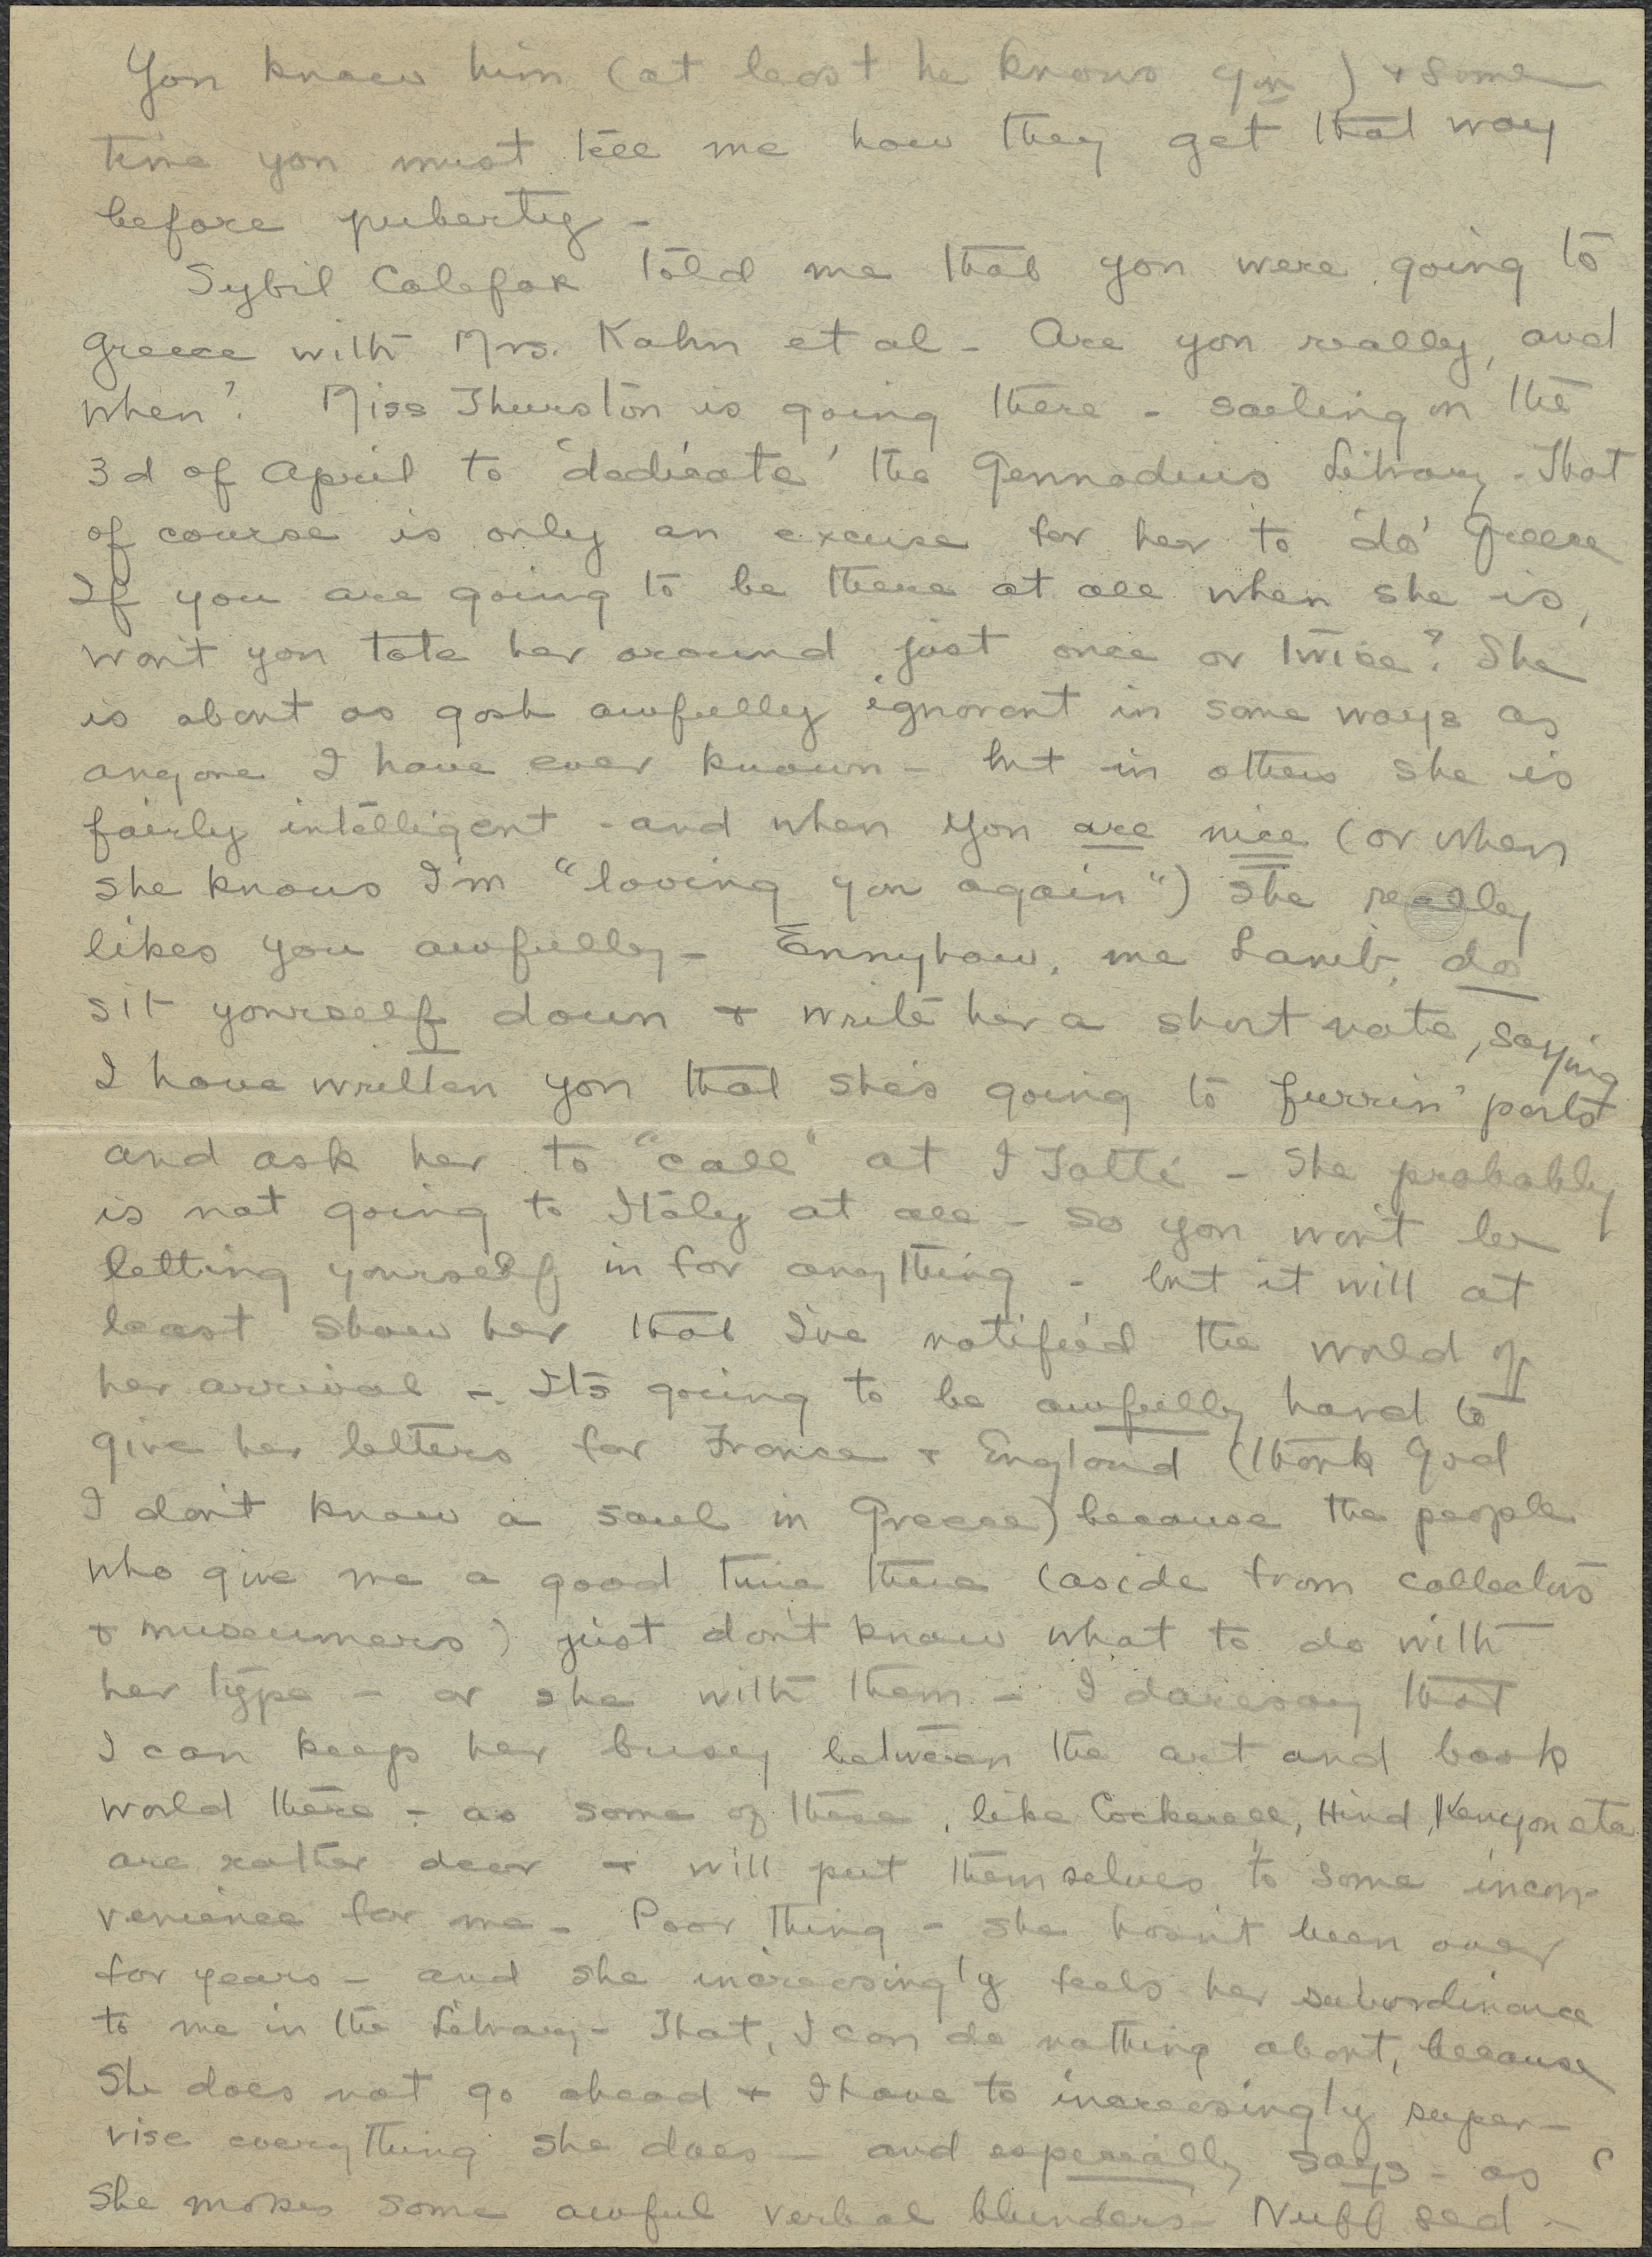You know him (at least he knows you) & some time you must tell me how they get that way before puberty –
Sybil Colefax told me that you were going to Greece with Mrs. Kahn et al – Are you really, and when? Miss Thurston is going there – sailing on the 3d of April to ‘dedicate’ the Gennadius Library –That of course is only an excuse for her to ‘do’ Greece . If you are going to be there at all when she is, won’t you tote her around just once or twice? She is about as gosh awfully ignorant in some ways as anyone I have ever known – but in others she is fairly intelligent – and when you are [double underlined: nice] (or when she knows I’m “loving you again”) she really likes you awfully – Ennyhow, me Lamb, do sit yourself down & write her a short note, saying I have written you that she’s going to furrin’ parts and ask her to “call” at I Tatti – She probably is not going to Italy at all – so you won't be letting yourself in for anything – but it will at least show her that I've notified the world of her arrival – It's going to be awfully hard to give her letters for France & England (thank God I don’t know a soul in Greece) because the people who give me a good time there (aside from collectors and museumers) just don’t know what to do with her type – or she with them – I daresay that I can keep her busy between the art and the book world there – as some of these, like Cockerell, Hind, Kenyon etc, are rather dear & will put themselves to some inconvenience for me – Poor thing – she hasn’t been over for years – and she increasingly feels her subordinance to me in the Library – That, I can do nothing about, because she does not go ahead & I have to increasingly supervise everything she does – and especially says – as she makes some awful verbal blunders – Nuff sed –